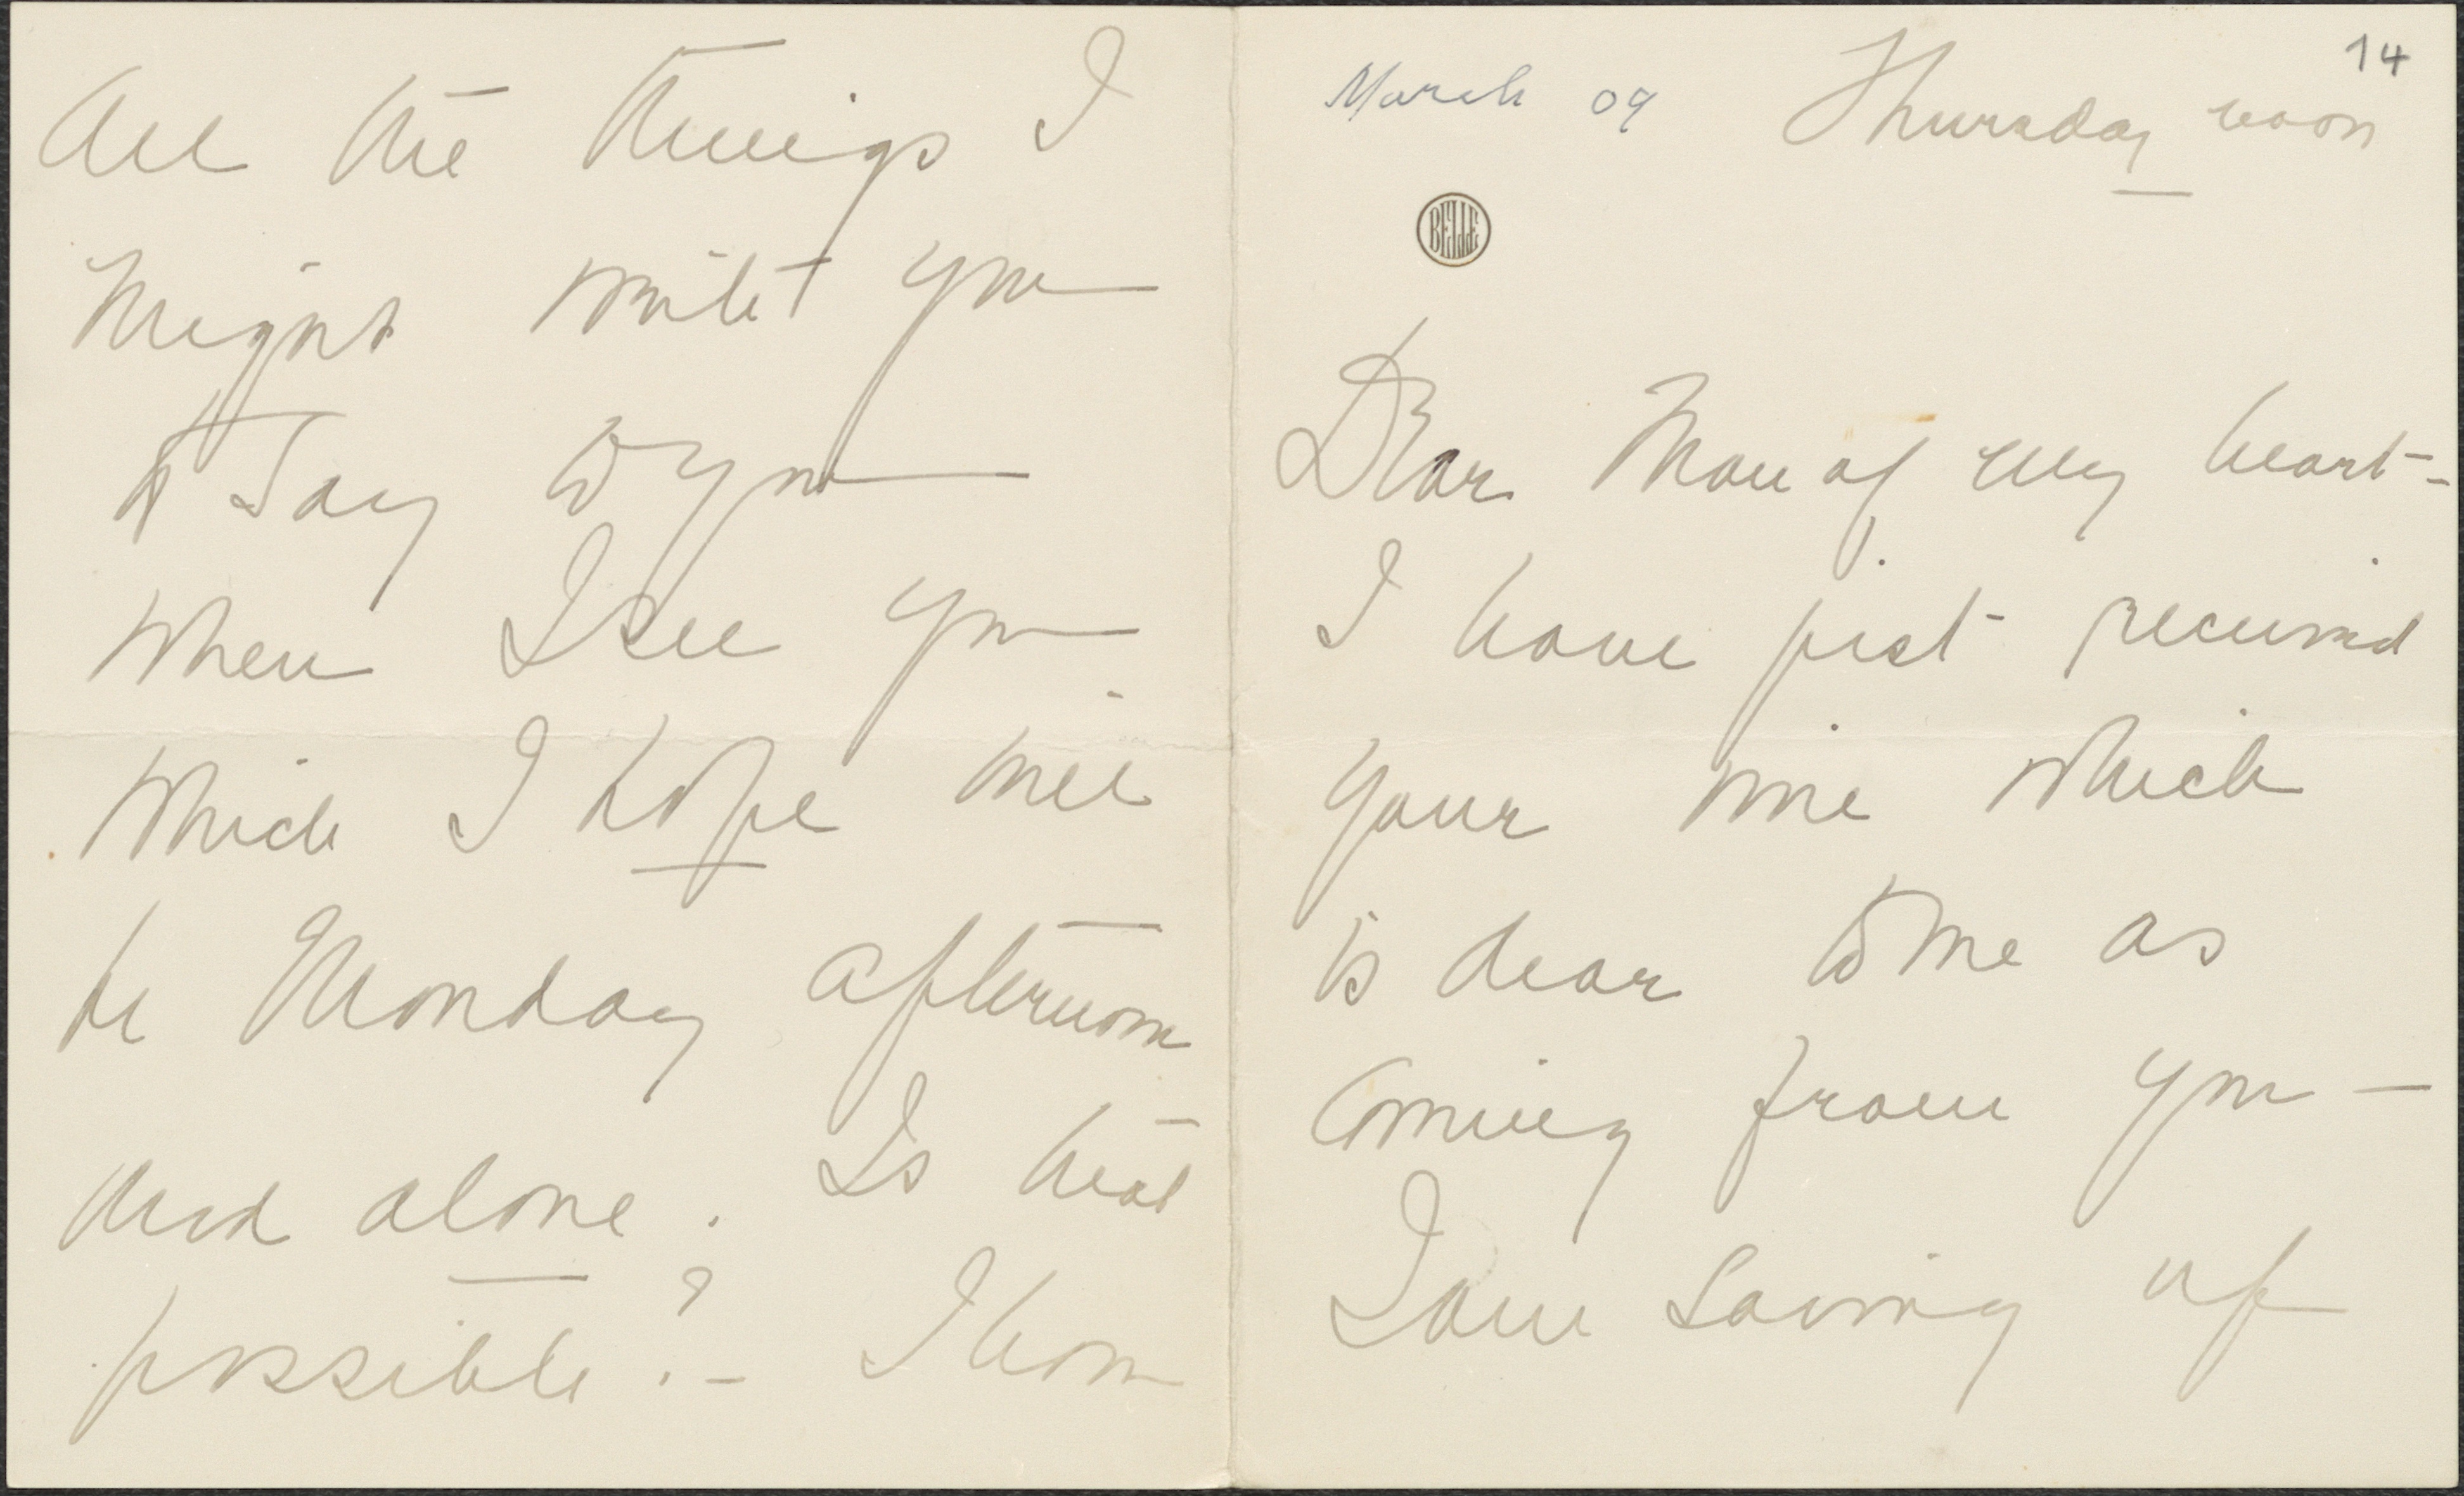Thursday noon
Dear Man of my heart –
I have just received your line which is dear to me as coming from you – I am saving up
all the things I might write you to say to you when I see you which I hope will be Monday afternoon and alone. Is that possible? – I have